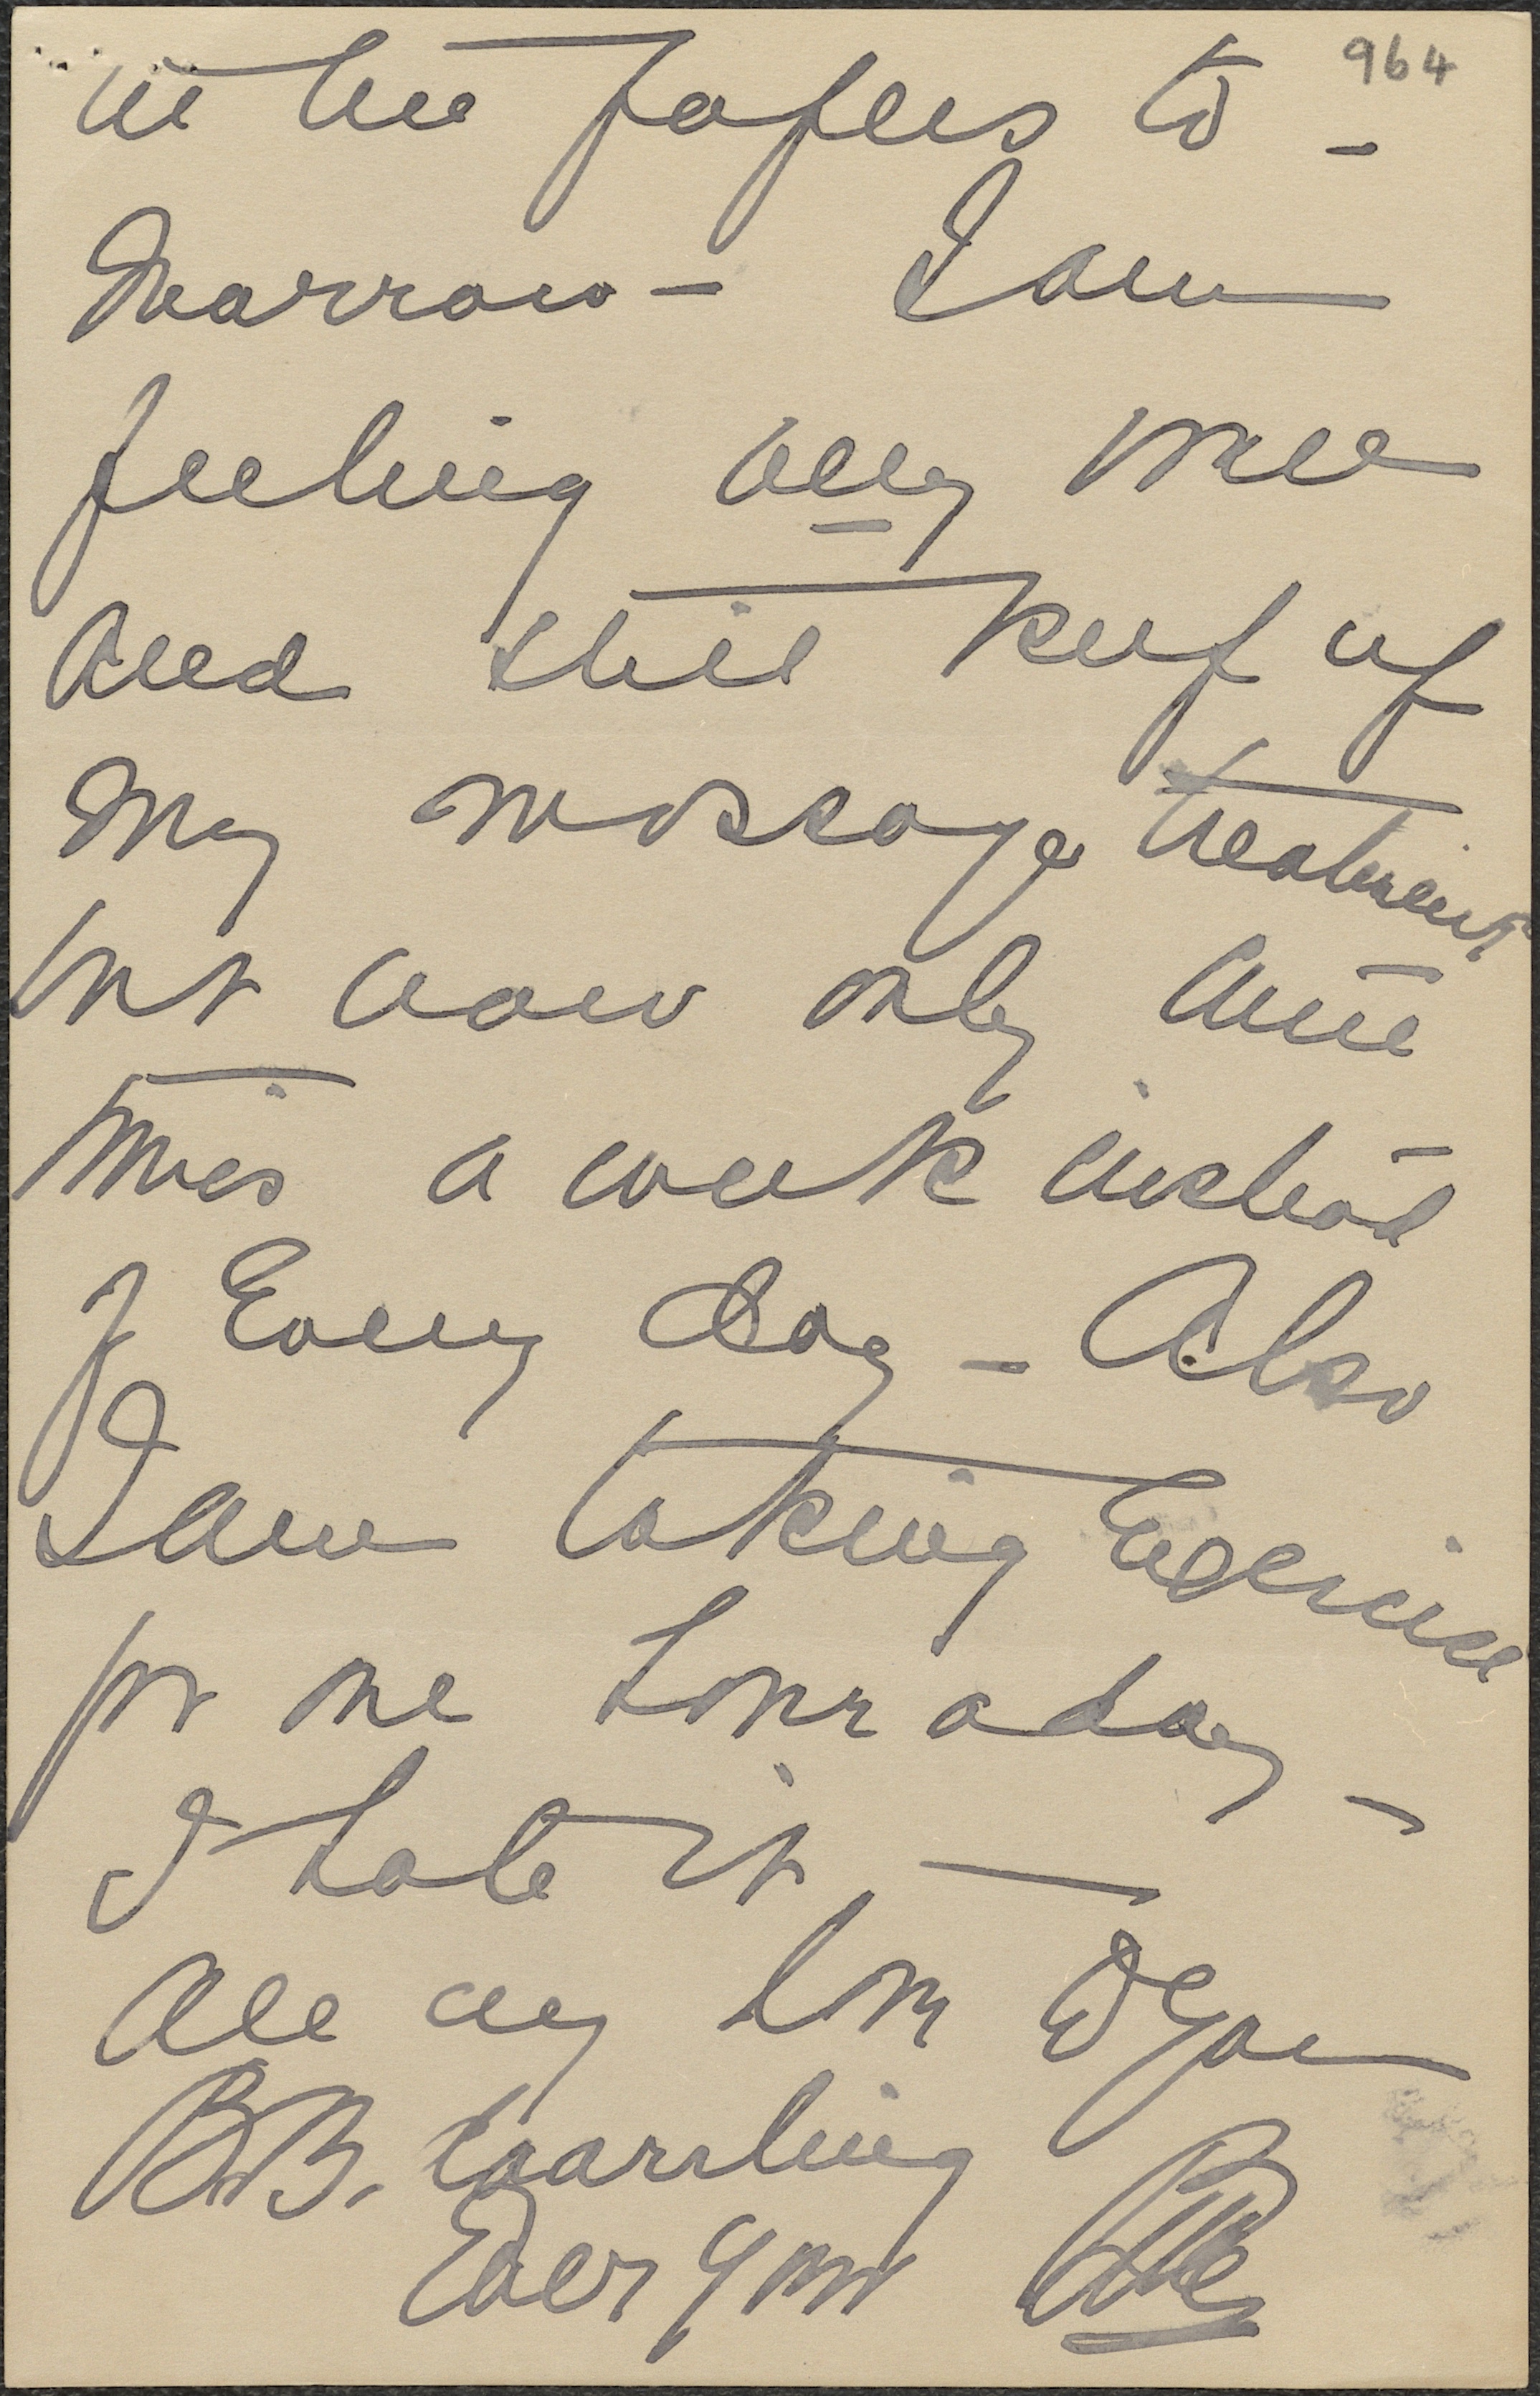in the papers tomorrow – I am feeling very well and still keep up my massage treatments but now only three times a week instead of every day – Also I am taking exercises for one hour a day –
I hate it –
All my love to you B. B. daarrling
Ever Your Belle